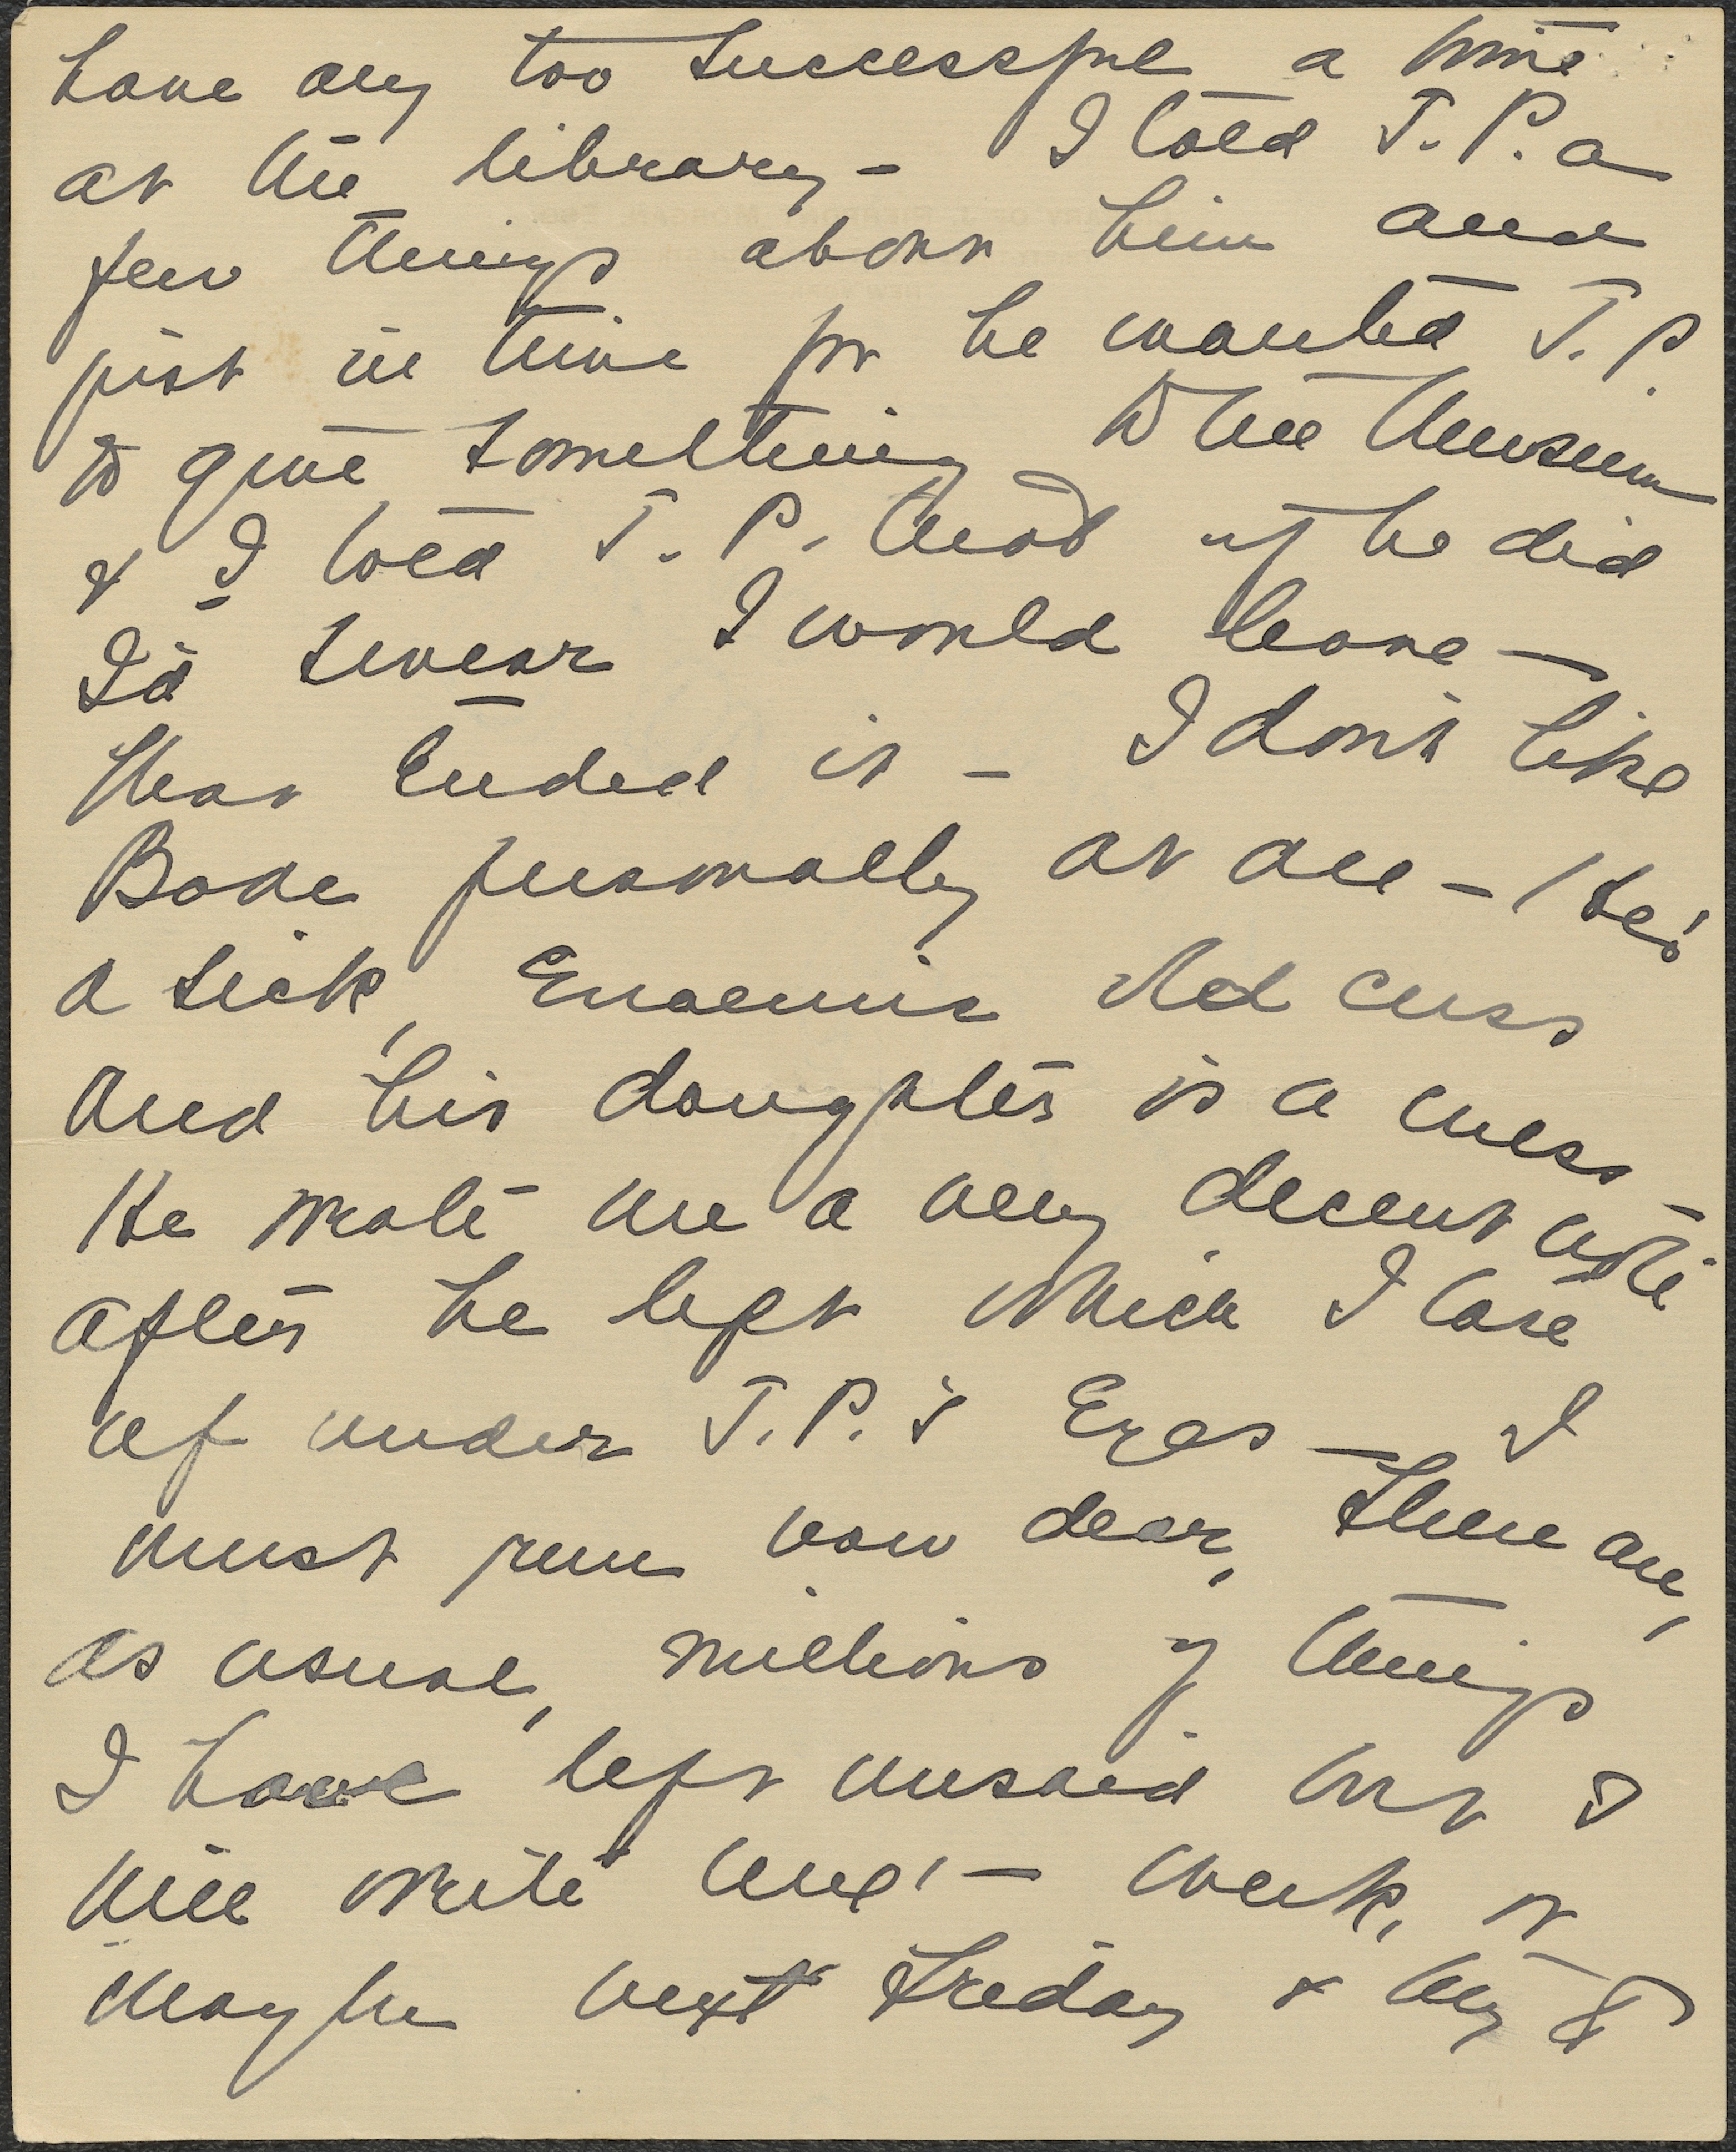have any too successful a time at the library – I told J.P. a few things about him and just in time for he wanted J.P. to give something to the Museum & I told J.P. that if he did I’d swear I would leave – that ended it – I don’t like Bode personally at all – He’s a sick, enaemic old cuss and his daughter is a mess – He wrote me a very decent note after he left which I tore up under J.P.’s eyes – I must run now dear, There are, as usual, millions of things I have left unsaid but I will write next week, or maybe next Friday & try to